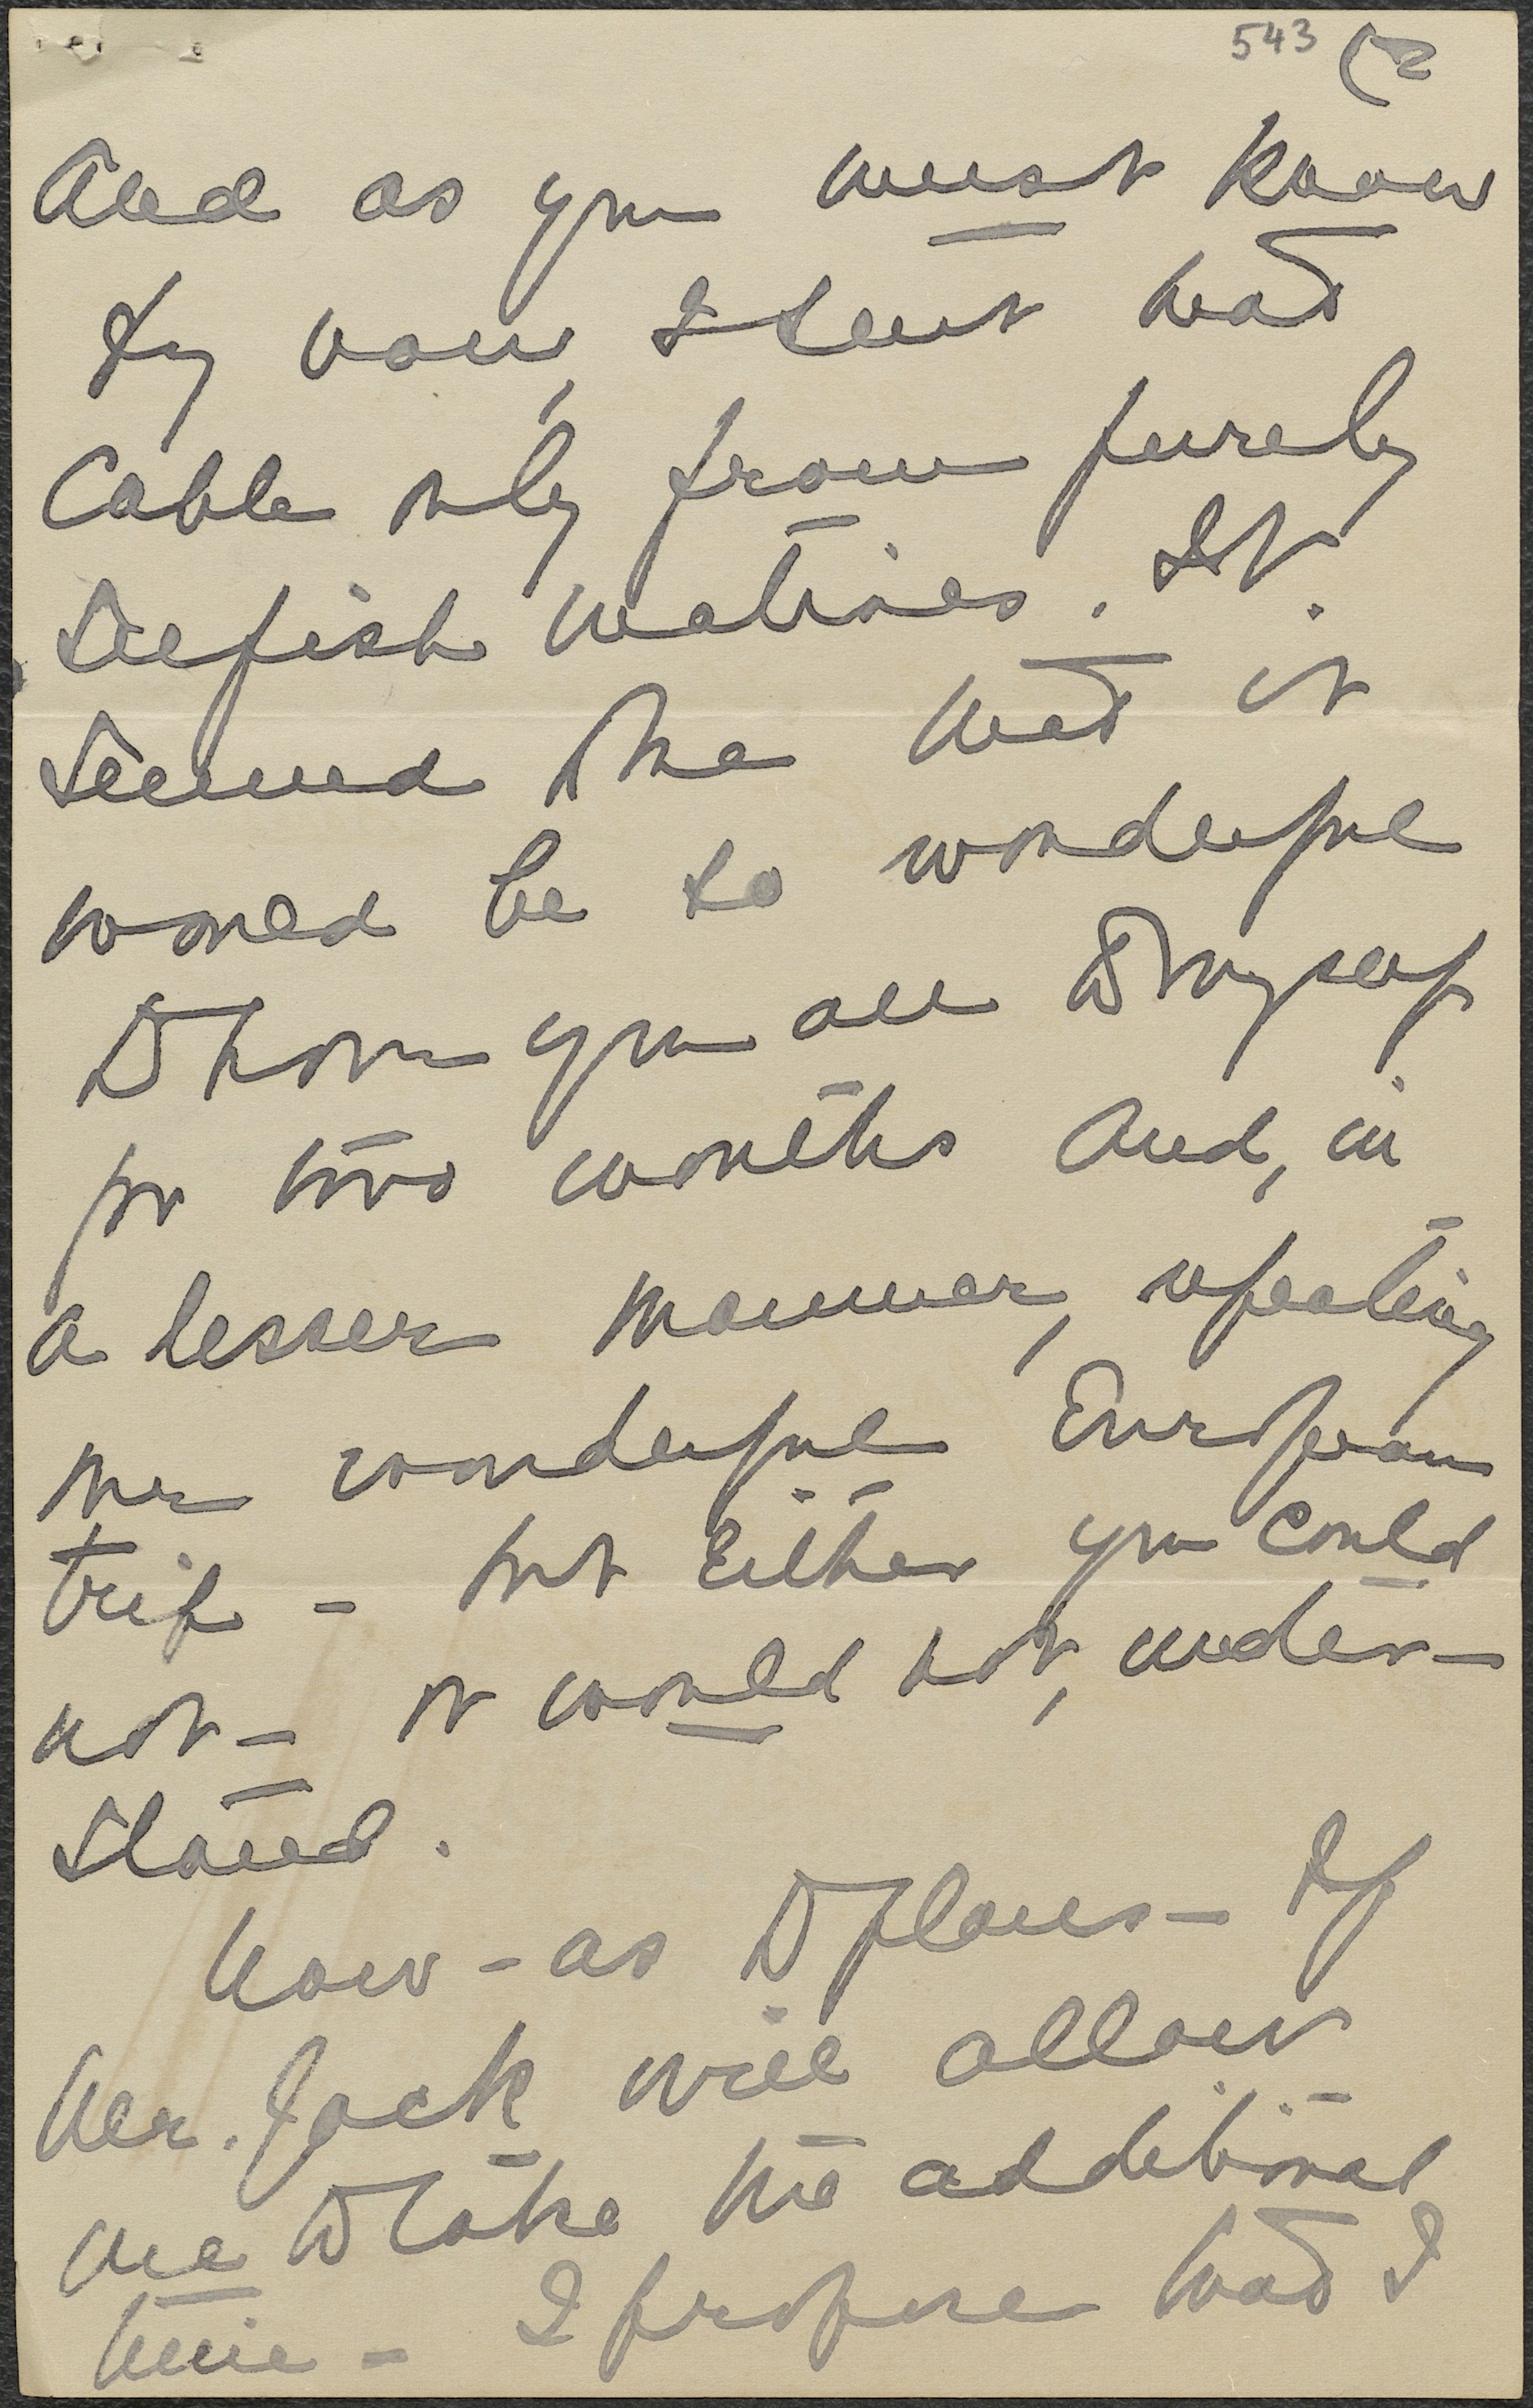and as you must know by now, I sent that cable only from purely selfish motives. It seemed to me that it would be so wonderful to have you all to myself for two months and, in a lesser manner, repeating our wonderful European trip – but either you could not – or would not, understand.
Now – as to plans – If Mr. Jack will allow me to take the additional time – I propose that I